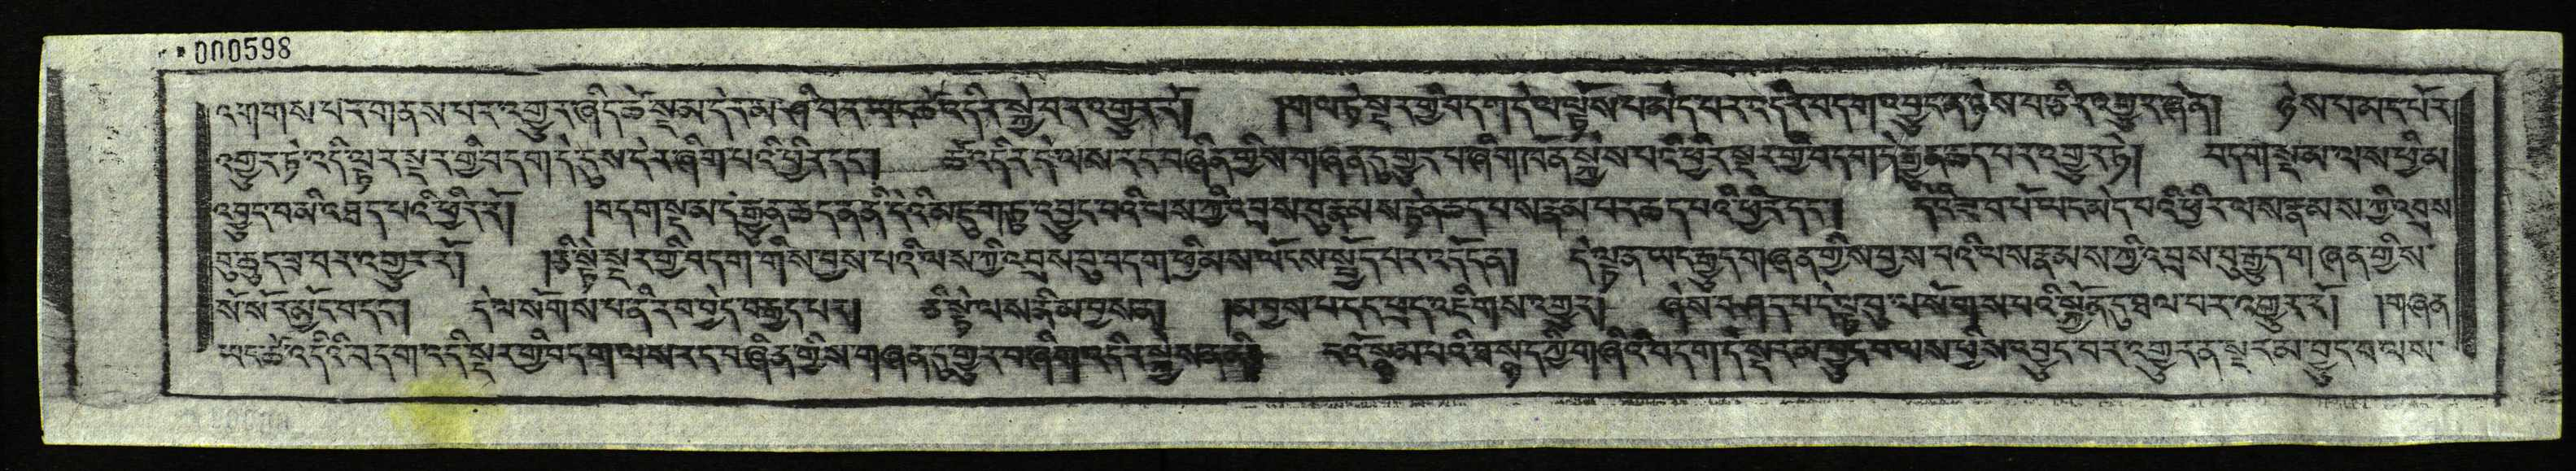འགགས་པར་གནས་པར་འགྱུར་ཞིང་ཚེ་སྔ་མ་དེར་མ་ཤི་བར་ཡང་ཚེ་འདིར་སྐྱེ་བར་འགྱུར་རོ། །གལ་ཏེ་སྔར་གྱི་བདག་དེ་ལ་ལྟོས་པ་མེད་པར་འདིར་བདག་འབྱུང་ན་ཉེས་པ་ཅིར་འགྱུར་ཞེ་ན། ཉེས་པ་མང་པོར་
འགྱུར་ཏེ་འདི་ལྟར་སྔར་གྱི་བདག་དེ་དུས་དེར་ཞིག་པའི་ཕྱིར་དང་། ཚེ་འདིར་དེ་ལས་རང་བཞིན་གྱིས་གཞན་དུ་གྱུར་པ་ཞིག་ཁོ་ན་སྐྱེས་པའི་ཕྱིར་སྔར་གྱི་བདག་དེ་རྒྱུན་ཆད་པར་འགྱུར་ཏེ། བདག་སྔ་མ་ལས་ཕྱི་མ་
འབྱུང་བ་མི་འཐད་པའི་ཕྱིར་རོ། །བདག་སྔ་མ་དེ་རྒྱུན་ཆད་ན་ནི་དེའི་མཇུག་ཏུ་འབྱུང་བའི་ལས་ཀྱི་འབྲས་བུ་རྣམས་རྟེན་ཆད་པས་རྣམ་པར་ཆད་པའི་ཕྱིར་དང་། དེའི་ཟ་བ་པོ་ཡང་མེད་པའི་ཕྱིར་ལས་རྣམས་ཀྱི་འབྲས་
བུ་ཆུང་ཟ་བར་འགྱུར་རོ། །ཅི་སྟེ་སྔར་གྱི་བདག་གིས་བྱས་པའི་ལས་ཀྱི་འབྲས་བུ་བདག་ཕྱི་མས་ལོངས་སྤྱོད་པར་འདོད་ན། དེ་ལྟ་ན་ཡང་རྒྱུད་གཞན་གྱིས་བྱས་པའི་ལས་རྣམས་ཀྱི་འབྲས་བུ་རྒྱུད་གཞན་གྱིས་
སོ་སོར་མྱོང་བ་དང་། དེ་ལ་སོགས་པ་ནི་རབ་བྱེད་བརྒྱད་པར། ཅི་སྟེ་ལས་ནི་མ་བྱས་ན། །མ་བྱས་པ་དང་ཕྲད་འཇིགས་འགྱུར། ཞེས་བཤད་པ་དེ་ལྟ་བུ་ལ་སོགས་པའི་སྐྱོན་དུ་ཐལ་བར་འགྱུར་རོ། །གཞན་
ཡང་ཚེ་འདིའི་བདག་འདི་སྔར་གྱི་བདག་ལས་རང་བཞིན་གྱིས་གཞན་དུ་གྱུར་བ་ཞིག་འདིར་སྐྱེས་ན་ནི། ངའོ་སྙམ་པའི་ཐ་སྙད་ཀྱི་གཞིའི་བདག་དེ་སྔར་མ་བྱུང་བ་ལས་ཕྱིས་འབྱུང་བར་འགྱུར་ན་སྔར་མ་བྱུང་བ་ལས་